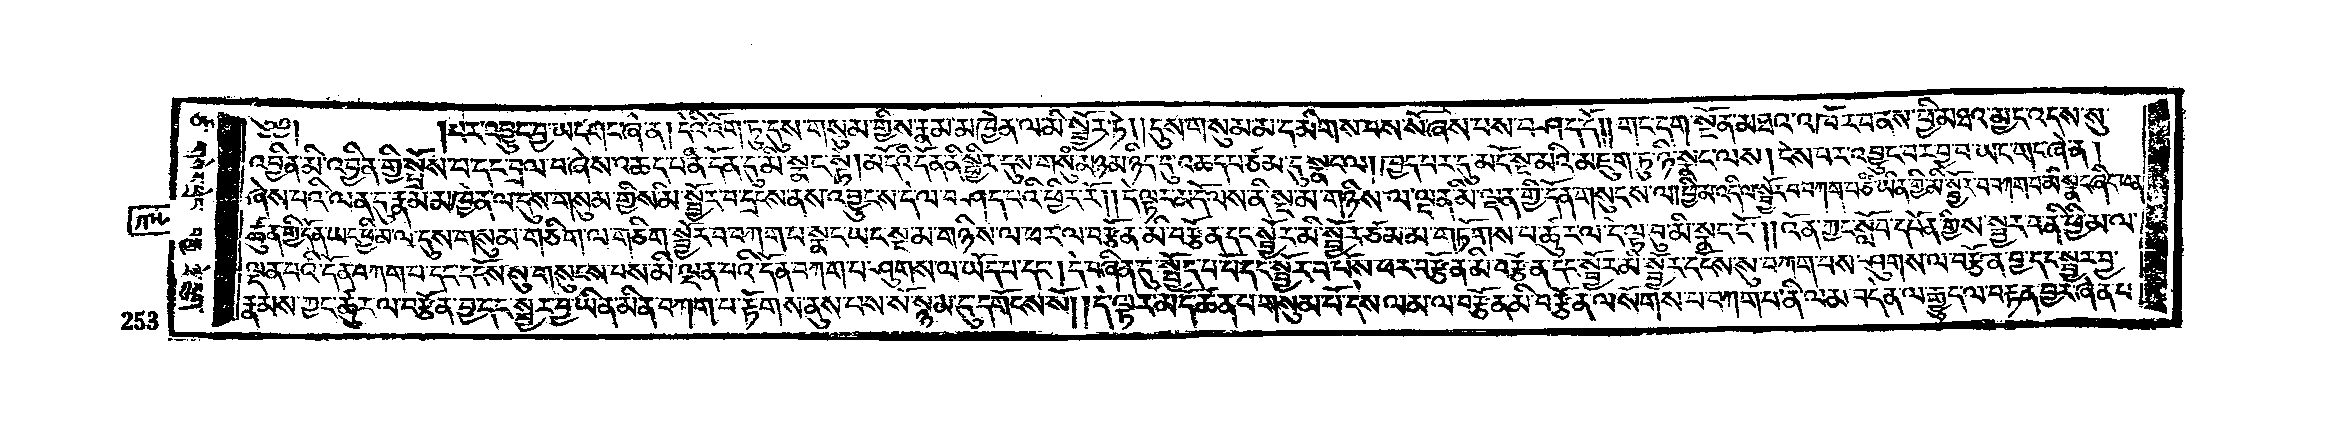༄༅། །པར་འབྱུང་བྱ་ཡང་གང་ཞེ་ན། དེའི་འོག་ཏུ་དུས་གསུམ་གྱིས་རྣམ་མཁྱེན་ལ་མི་སྦྱོར་ཏེ། །དུས་གསུམ་མ་དམིགས་པས་སོ་ཞེས་པས་བཤད་དོ། །གང་དག་སྔོན་མཐའ་འཁོར་བ་ནས་ཕྱི་མཐའ་མྱང་འདས་སུ་
འབྱིན་མི་འབྱིན་གྱི་སྤྲོས་པ་དང་བྲལ་བ་ཞེས་འཆད་པ་ནི་དོན་དུ་མི་སྣང་སྟེ། མདོའི་དོན་ནི་སྤྱིར་དུས་གསུམ་མཉམ་ཉིད་དུ་འཆད་པ་ཙམ་དུ་སྣང་ལ། ཁྱད་པར་དུ་མདོ་སྔ་མའི་མཇུག་ཏུ་ཉི་སྣང་ལས། ངེས་པར་འབྱུང་བར་བྱ་བ་ཡང་གང་ཞེ་ན།
ཞེས་པའི་ལན་དུ་རྣམ་མཁྱེན་ལ་དུས་གསུམ་གྱིས་མི་སྦྱོར་བ་དྲངས་ནས་འབྱུང་ས་དེ་ལ་བཤད་པའི་ཕྱིར་རོ། །དེ་ལྟར་མདོ་ལས་ནི་སྔ་མ་གཉིས་ལ་ལྡན་མི་ལྡན་གྱི་དོན་གསུངས་ལ། ཕྱི་མ་འདི་ལ་སྦྱོར་བ་བཀག་པ་ཙམ་ཡིན་གྱི་མི་སྦྱོར་བ་བཀག་པ་མི་སྣང་ཞིང་ཕན་
ཚུན་གྱི་དོན་ཡང་ཕྱི་མ་ལ་དུས་གསུམ་གཅིག་ལ་གཅིག་སྦྱོར་བ་བཀག་པ་སྣང་ཡང་སྔ་མ་གཉིས་ལ་ཕར་ལ་བརྩོན་མི་བརྩོན་དང་སྦྱོར་མི་སྦྱོར་ཙམ་མ་གཏོགས་པ་ཚུར་ལ་དེ་ལྟ་བུ་མི་སྣང་ངོ། །འོན་ཀྱང་སློབ་དཔོན་གྱིས་སྦྱར་བ་ནི་ཕྱི་མ་ལ་
ལྡན་པའི་དོན་བཀག་པ་དང་དངོས་སུ་གསུངས་པས་མི་ལྡན་པའི་དོན་བཀག་པ་ཤུགས་ལ་ཡོད་པ་དང་། དེ་བཞིན་དུ་སྤྱོད་པ་པོ་དང་སྦྱོར་བ་པོས་ཕར་བརྩོན་མི་བརྩོན་དང་སྦྱོར་མི་སྦྱོར་དངོས་སུ་བཀག་པས་ཤུགས་ལ་བརྩོན་བྱ་དང་སྦྱར་བྱ་
རྣམས་ཀྱང་ཚུར་ལ་བརྩོན་བྱ་དང་སྦྱར་བྱ་ཡིན་མིན་བཀག་པ་རྟོགས་ནུས་པས་སོ་སྙམ་དུ་དགོངས་སོ། །དེ་ལྟར་མདོ་ཚན་པ་གསུམ་པོ་དེས་ལམ་ལ་བརྩོན་མི་བརྩོན་ལ་སོགས་པ་བཀག་པ་ནི་ལམ་བདེན་ལ་རྒྱུད་ལ་བརྟེན་བྱར་ཞེན་པ་